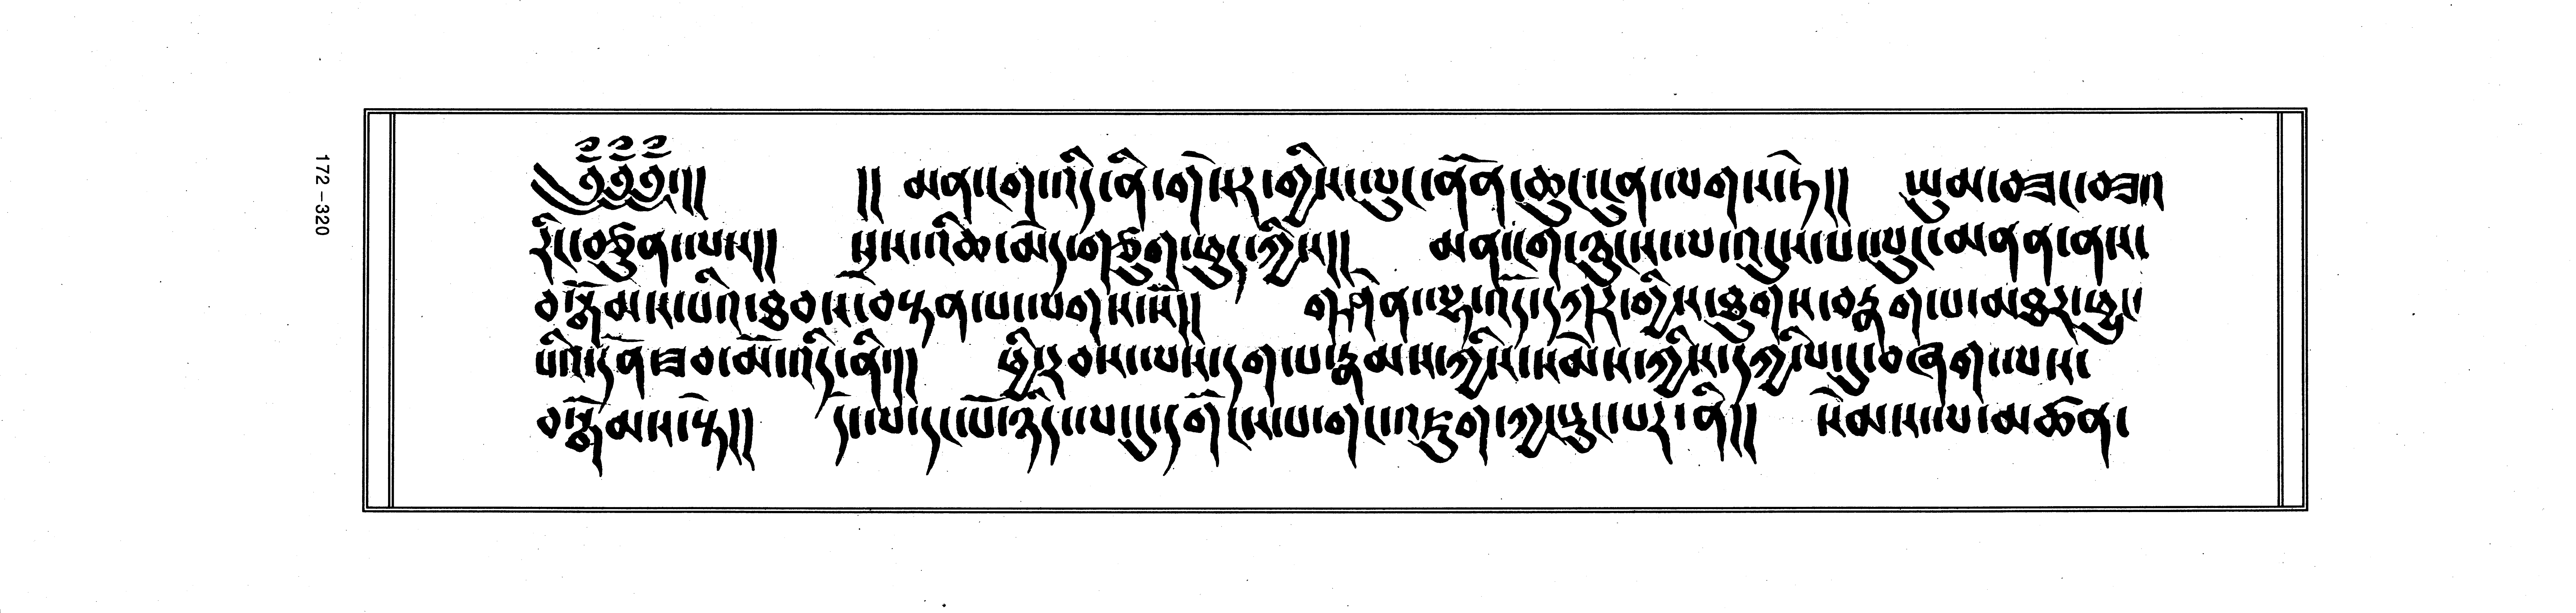༄༅༅།། །།མན་མག་འདི་ནི་གསེར་གྱིས་ལུང་ནོན་ཆུང་ངུན་ལགས་ཏེ། ཡུམ་བཟང་བཟའ་
རིང་བཙུན་ལས། སྲས་འཆི་མེད་གཙུག་ཕུད་ཀྱིས། མན་ངག་ཉུངས་ལ་འདུས་པ་ལུང་མནན་ནས་
བསྒོམས་པའི་ཐབས་བསྟན་པ་ལགས་སོ། གཤེན་ལྷ་འོད་དཀར་གྱིས་ཐུགས་བརྣག་པ་མཐར་ཕྱུང་
པའི་དོན་ཟབ་མོ་འདི་ནི། ཕྱི་རབས་ལས་དག་པ་རྣམས་ཀྱིས་སེམས་ཀྱིས་དཀྱིལ་དུ་བཞག་ལས་
བསྒོམས་སྟེ། དེ་ལ་དང་པོ་ཉིད་དུ་དགོངས་པ་གང་འཇུག་ཀྱང་རུང་པར་ནི། སེམས་ལ་མཚན་